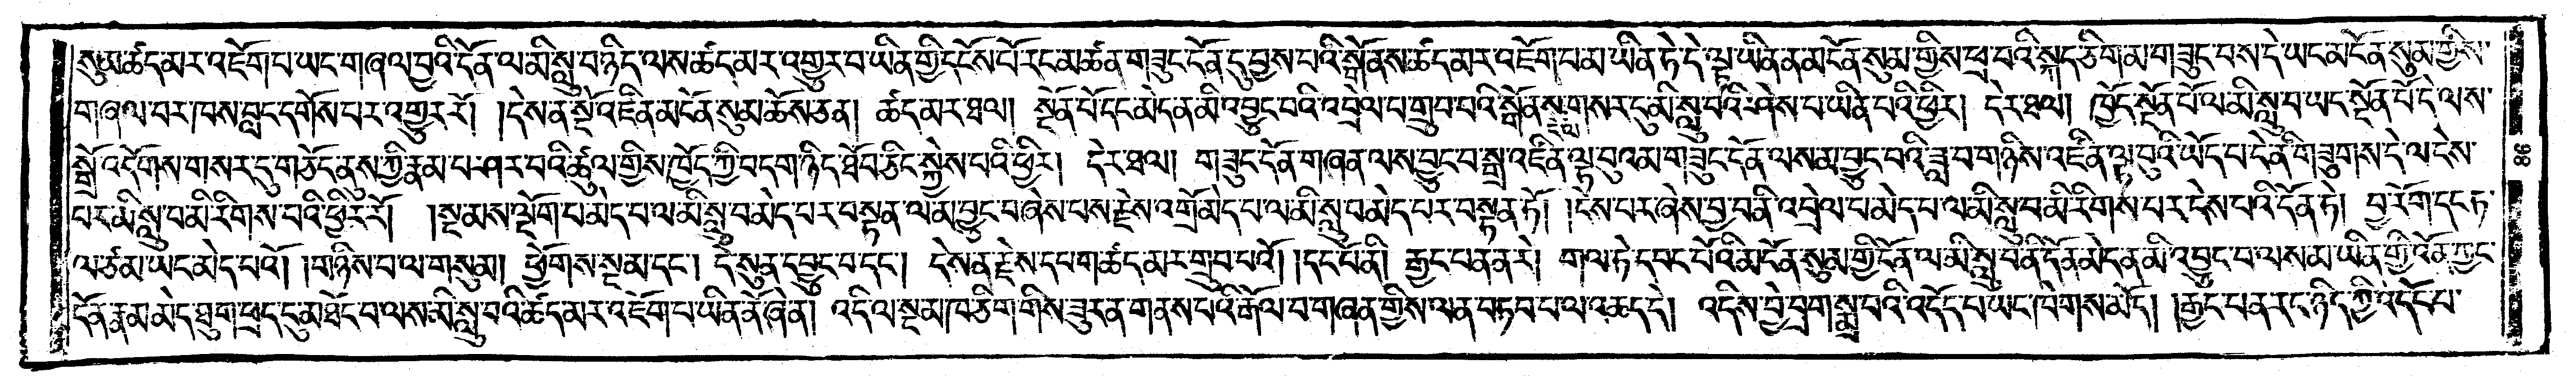སུམ་ཚད་མར་འཇོག་པ་ཡང་གཞལ་བྱའི་དོན་ལ་མི་སླུ་བ་ཉིད་ལས་ཚད་མར་འགྱུར་བ་ཡིན་གྱི་དངོས་པོ་རང་མཚན་གཟུང་དོན་དུ་བྱས་པའི་སྒོ་ནས་ཚད་མར་འཇོག་པ་མ་ཡིན་ཏེ་དེ་ལྟ་ཡིན་ན་མངོན་སུམ་གྱིས་ཕྲ་བའི་སྐད་ཅིག་མ་གཟུང་བས་དེ་ཡང་མངོན་སུམ་གྱིས་
གཞལ་བར་ཁས་བླང་དགོས་པར་འགྱུར་རོ། །དེས་ན་སྔོ་འཛིན་མངོན་སུམ་ཆོས་ཅན། ཚད་མར་ཐལ། སྔོན་པོ་དང་མེད་ན་མི་འབྱུང་བའི་འབྲེལ་པ་གྲུབ་པའི་སྒོ་ནས་དེ་ལ་གསར་དུ་མི་སླུ་བའི་ཤེས་པ་ཡིན་པའི་ཕྱིར། དེར་ཐལ། ཁྱོད་སྔོན་པོ་ལ་མི་སླུ་བ་ཡང་སྔོན་པོ་དེ་ལས་
སྒྲོ་འདོགས་གསར་དུ་གཅོད་ནུས་ཀྱི་རྣམ་པ་ཤར་བའི་ཚུལ་གྱིས་ཁྱོད་ཀྱི་བདག་ཉིད་ཐོབ་ཅིང་སྐྱེས་པའི་ཕྱིར། དེར་ཐལ། གཟུང་དོན་གཞན་ལས་བྱུང་བ་སྒྲ་འཛིན་ལྟ་བུའམ་གཟུང་དོན་ལས་མ་བྱུང་བའི་ཟླ་བ་གཉིས་འཛིན་ལྟ་བུའི་ཡོད་པ་དེ་ནི་གཟུགས་དེ་ལ་ངེས་
པར་མི་སླུ་བ་མི་རིགས་པའི་ཕྱིར་རོ། །སྔ་མས་ལྡོག་པ་མེད་པ་ལ་མི་སླུ་བ་མེད་པར་བསྟན་ལ་མ་བྱུང་བ་ཞེས་པས་རྗེས་འགྲོ་མེད་པ་ལ་མི་སླུ་བ་མེད་པར་བསྟན་ཏོ། །ངེས་པར་ཞེས་བྱ་བ་ནི་འབྲེལ་པ་མེད་པ་ལ་མི་སླུ་བ་མི་རིགས་པར་ངེས་པའི་དོན་ཏེ། བྱ་རོག་དང་ཏ་
ལ་ཙམ་ཡང་མེད་པའོ། །གཉིས་པ་ལ་གསུམ། ཕྱོགས་སྔ་མ་དང་། དེ་སུན་དབྱུང་བ་དང་། དེས་ན་རྗེས་དཔག་ཚད་མར་གྲུབ་པའོ། །དང་པོ་ནི། རྒྱང་པན་ན་རེ། གལ་ཏེ་དབང་པོའི་མངོན་སུམ་གྱི་དོན་ལ་མི་སླུ་བ་ནི་དོན་མེད་ན་མི་འབྱུང་བ་ལས་མ་ཡིན་གྱི་འོན་ཀྱང་
དོན་རྣམ་མེད་ཐུག་ཕྲད་དུ་མཐོང་བ་ལས་མི་སླུ་བའི་ཚད་མར་འཇོག་པ་ཡིན་ནོ་ཞེ་ན། འདི་ལ་སྔ་མ་ཁ་ཅིག་གིས་ཟུར་ན་གནས་པའི་རྒོལ་བ་གཞན་གྱིས་ལན་བཏབ་པ་ལ་འཆད་དེ། འདིས་བྱེ་བྲག་སྨྲ་བའི་འདོད་པ་ཡང་ཁེགས་མོད། །རྒྱང་པན་རང་ཉིད་ཀྱི་འདོད་པ་